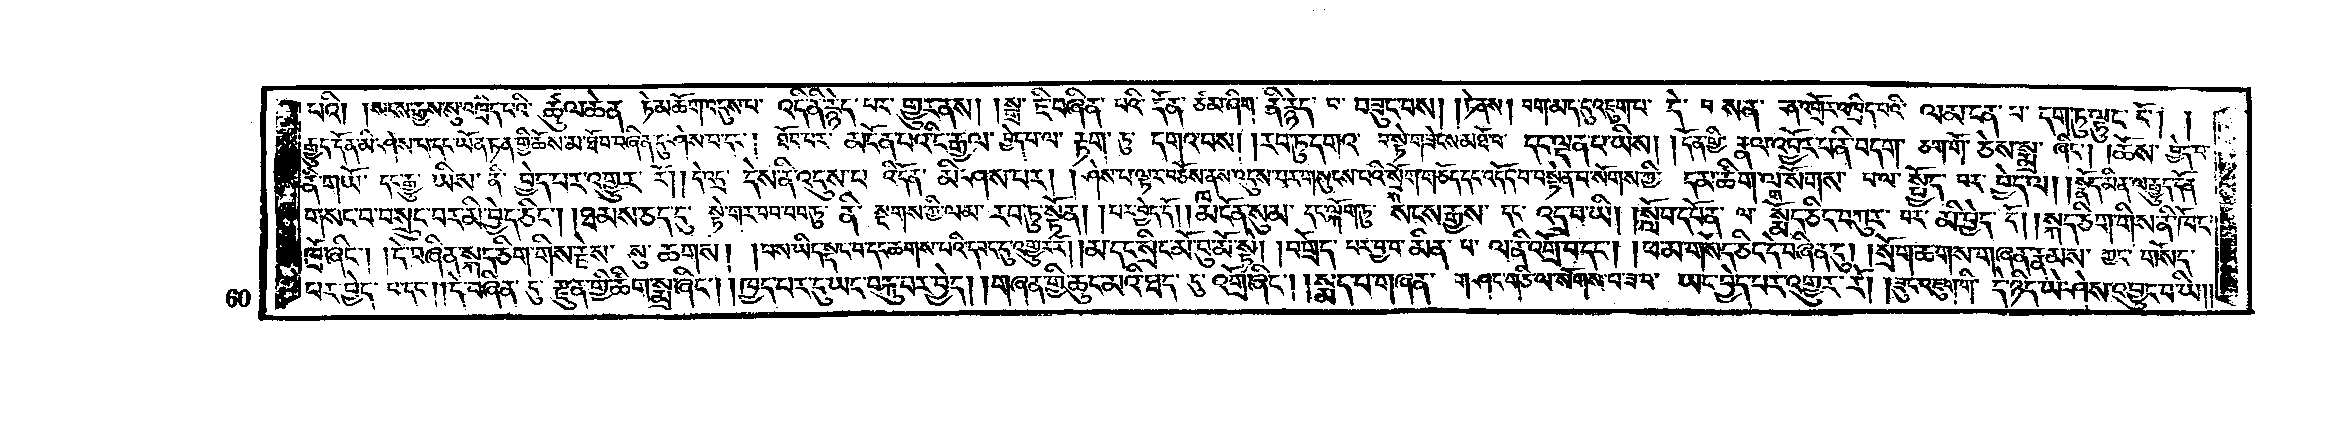པའི། ། སངས་རྒྱས་སུ་འཁྲིད་པའི་ཚུལ་ཆེན། ཏེ་མཆོག་འདུས་པ་འདི་ནི་རྙེད་པར་གྱུར་ནས། ། སྒྲ་ཇི་བཞིན་པའི་དོན་ཙམ་ཞིག་ནི་རྙེད་པ་བཟུང་བས། ཏེ་ནས། བག་མེད་དུ་འཇུག་པ་དེ་བས་ན་ངན་འགྲོར་འཁྲིད་པའི་ལམ་ངན་པ་དག་ཏུ་ལྟུང་དེ། །
རྒྱུད་དོན་མི་ཤེས་པ་དང་ཡོན་ཏན་གྱི་ཆོས་མ་ཐོབ་བཞིན་དུ་ཤེས་པ་དང་། ཐོབ་པར་མངོན་པའི་ང་རྒྱལ་བྱེད་པ་ལ་རྟག་ཏུ་དགའ་བས། །རབ་ཏུ་དགའ་བ་སྟེ་གཟེངས་མཐོ་བ་དང་ལྡན་པ་ཡིས། ། དོན་གྱི་རྣལ་འབྱོར་པ་ནི་བདག་ཅག་གོ་ཅེས་སྨྲ་ཞིང། །ཆོས་བྱེད་པ
ནི་གཡོ་དང་རྒྱུ་ཡིས་ནི་བྱེད་པར་འགྱུར་རོ། །དེ་འདྲ་དེས་ནི་འདུས་པའི་དོན་མི་ཤེས་པར། ། ཤེས་པ་ལྟར་བཅོས་ནས་འདུས་པར་གསུངས་པའི་སྲོག་གཅོད་དང་འདོད་པ་བསྟེན་པ་སོགས་ཀྱི་དམ་ཚིག་ལ་སོགས་པ་ལ་སྤྱོད་པར་བྱེད་ལ། །སྣོད་མིན་ལ་རྒྱུད་དོན
གསང་བ་བསྲུང་བར་མི་བྱེད་ཅིང་། །ཐམས་ཅད་དུ་སྟེ་གར་བབ་བབ་ཏུ་ནི་སྔགས་ཀྱི་ལམ་རབ་ཏུ་སྟོན། །པར་བྱེད་དོ། །ཁ་མངོན་གསུམ་དང་ལྐོག་ཏུ་ཀ་སངས་རྒྱས་དང་འདྲ་བ་ཡི། །སློབ་དཔོན་ལ་སྨོད་ཅིང་བཀུར་བར་མི་བྱེད་དོ། །སྐད་ཅིག་གིས་ནི་ཁོང་
ཁྲོ་ཞིང་། །དེ་བཞིན་སྐད་ཅིག་གིས་རྗེས་སུ་ཆགས། ། པས་ཡིད་སྡང་བ་དང་ཆགས་པའི་དབང་དུ་འགྱུར་རོ། །མ་དང་སྲིང་མོ་བུ་མོ་སྟེ། །བགྲོད་པར་བྱ་བ་མིན་པ་ལ་ནི་འགྲོ་བ་དང་། །ཕ་མ་གསོད་ཅིང་དེ་བཞིན་དུ། །སྲོག་ཆགས་གཞན་རྣམས་ཀྱང་གསོད་
པར་བྱེད་པ་དང་། །དེ་བཞིན་དུ་རྫུན་གྱི་ཚིག་སྨྲ་ཞིང་། །ཁྱད་པར་དུ་ཡང་བརྐུ་བར་བྱེད། །གཞན་གྱི་ཆུང་མའི་ཐད་དུ་འགྲོ་ཞིང་། །སྨད་པ་གཞན་གཤང་གཅི་ལ་སོགས་པ་ཟ་བ་ཡང་བྱེད་པར་འགྱུར་རོ། ། ཟུང་འཇུག་གི་དེ་ཉིད་ཡེ་ཤེས་འབྱུང་བ་ཡི།།